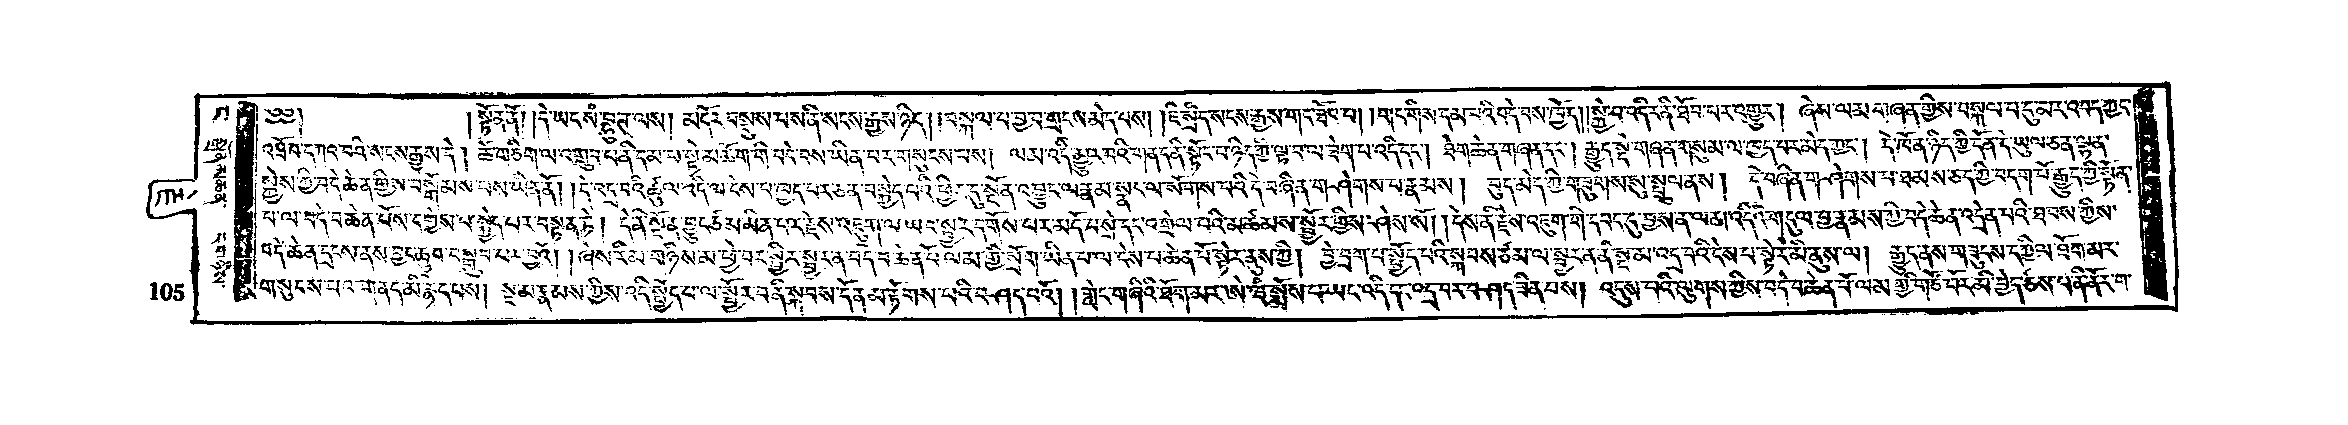༄༅། །སྟོན་ནོ། །དེ་ཡང་སཾ་བྷུ་ཊ་ལས། མདོར་བསྡུས་པས་ནི་སངས་རྒྱས་ཉིད། །བསྐལ་པ་བྱ་བ་གྲངས་མེད་པས། །ཇི་སྲིད་སངས་རྒྱས་གང་ཐོབ་པ། །གང་གིས་དམ་པའི་བདེ་བས་ཁྱོད། །སྐྱེ་བ་འདིར་ནི་ཐོབ་པར་འགྱུར། ཞེས་ལམ་གཞན་གྱིས་བསྐལ་པ་དུ་མར་འབད་ཀྱང་
འཐོབ་དཀའ་བའི་སངས་རྒྱས་དེ། ཚེ་གཅིག་ལ་འགྲུབ་པ་ནི་དམ་པ་སྟེ་མཆོག་གི་བདེ་བས་ཡིན་པར་གསུངས་པས། ལམ་འདི་མྱུར་བའི་གནད་ནི་སྟོང་པ་ཉིད་ཀྱི་ལྟ་བ་ལ་ཐེག་པ་འདི་དང་། ཐེག་ཆེན་གཞན་དང་། རྒྱུད་སྡེ་གཞན་གསུམ་ལ་ཁྱད་པར་མེད་ཀྱང་། དེ་ཁོ་ན་ཉིད་ཀྱི་དོན་དེ་ཡུལ་ཅན་ལྷན་
སྐྱེས་ཀྱི་བདེ་ཆེན་གྱིས་བསྒོམས་པས་ཡིན་ནོ། །དེ་འདྲ་བའི་ཚུལ་འདི་ལ་ངེས་པ་ཁྱད་པར་ཅན་བསྐྱེད་པའི་ཕྱིར་དུ་སྔོན་འབྱུང་ལ་རྣམ་སྣང་ལ་སོགས་པའི་དེ་བཞིན་གཤེགས་པ་རྣམས། བུད་མེད་ཀྱི་གཟུགས་སུ་སྤྲུལ་ནས། དེ་བཞིན་གཤེགས་པ་ཐམས་ཅད་ཀྱི་བདག་པོ་རྒྱུད་ཀྱི་སྟོན་
པ་ལ་བདེ་བ་ཆེན་པོས་དགྱེས་བསྐྱེད་པར་བསྟན་ཏེ། དེ་ནི་སྔོན་བྱུང་ཙམ་མིན་པར་རྗེས་འཇུག་ལ་ཡང་སྦྱར་དགོས་པར་མདོ་བསྲེ་དང་འགྲེལ་པའི་མཚམས་སྦྱོར་གྱིས་ཤེས་སོ། །དེས་ན་རྗེས་འཇུག་གི་དབང་དུ་བྱས་ན་ལམ་འདེའི་གདུལ་བྱ་རྣམས་ཀྱི་བདེ་ཆེན་འདྲེན་པའི་ཐབས་ཀྱིས་
བདེ་ཆེན་དྲངས་ནས་བྱང་ཆུབ་བསྒྲུབ་པར་བྱའོ། །ཞེས་རིམ་གཉིས་མ་ཕྱེ་བར་སྤྱིར་སྦྱར་ན་བདེ་བ་ཆེན་པོ་ལམ་གྱི་སྲོག་ཡིན་པ་ལ་ངེས་པ་ཆེན་པོ་སྟེར་ནུས་ཀྱི། བྱེ་བྲག་པ་སྤྱོད་པའི་སྐབས་ཙམ་ལ་སྦྱར་ན་ནི་སྔ་མ་འདྲ་བའི་ངེས་པ་སྟེར་མི་ནུས་ལ། རྒྱུད་ནས་གཟུངས་དཀྱིལ་ཐོག་མར་
གསུངས་པའི་གནད་མི་རྙེད་པས། སྔ་མ་རྣམས་ཀྱིས་འདི་སྤྱོད་པ་ལ་སྦྱོར་བ་ནི་སྐབས་དོན་མ་རྟོགས་པའི་བཤད་པའོ། །གླེང་གཞིའི་ཐོག་མར་ཨེ་ཝཾ་སྨོས་པ་ཡང་འདི་དང་འདྲ་བར་བཤད་ཟིན་པས། འདུས་པའི་ལུགས་ཀྱིས་བདེ་བ་ཆེན་པོ་ལམ་གྱི་གཙོ་བོར་མི་བྱེད་ཅེས་པ་ནི་ནོར་པ་